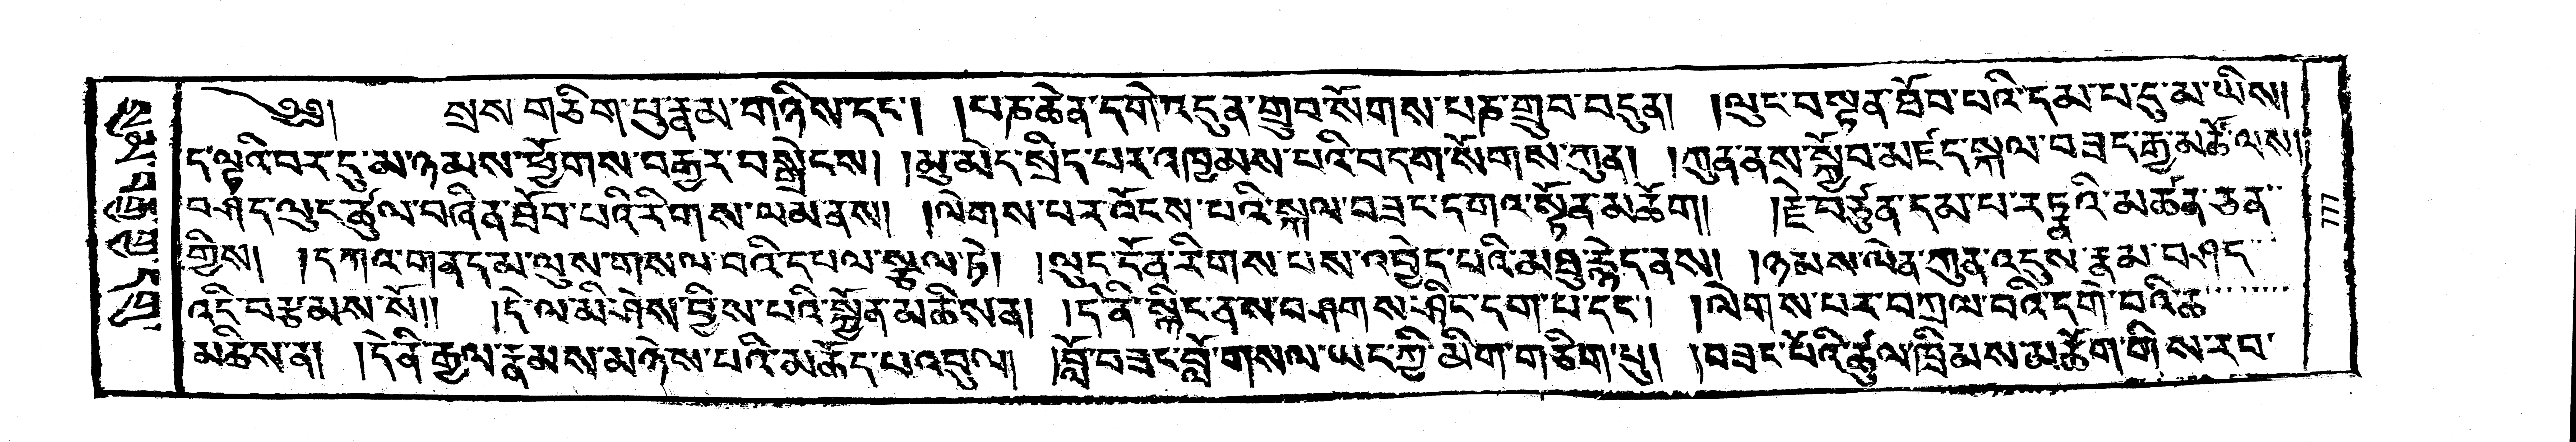༄༅། །སྲས་གཅིག་པུ་རྣམ་གཉིས་དང་། །པཎ་ཆེན་དགེ་འདུན་གྲུབ་སོགས་པཎ་གྲུབ་བདུན། །ལུང་བསྟན་ཐོབ་པའི་དམ་པ་དུ་མ་ཡིས།
ད་ལྟའི་བར་དུ་མ་ཉམས་ཕྱོགས་བརྒྱར་བསྒྲེངས། །མུ་མེད་སྲིད་པར་འཁྱམས་པའི་བདག་སོགས་ཀུན། །ཀུན་ནས་སྐྱོབ་མཛད་སྐལ་བཟང་རྒྱ་མཚོ་ལས།
བཤད་ལུང་ཚུལ་བཞིན་ཐོབ་པའི་རིགས་ལམ་ནས། །ལེགས་པར་འོངས་པའི་སྐལ་བཟང་དགའ་སྟོན་མཆོག། །རྗེ་བཙུན་དམ་པ་རཏྣའི་མཚན་ཅན་
གྱིས། །དཀའ་གནད་མ་ལུས་གསལ་བའི་དཔལ་སྩལ་ཏེ། །ལུང་དོན་རིགས་པས་འབྱེད་པའི་མཐུ་རྙེད་ནས། །ཉམས་ལེན་ཀུན་འདུས་རྣམ་བཤད་
འདི་བརྩམས་སོ།། །དེ་ལ་མི་ཤེས་བྱིས་པའི་སྐྱོན་མཆིས་ན། །དེ་ནི་སྙིང་ནས་བཤགས་ཤིང་དག་པ་དང་། །ལེགས་པར་བཀྲལ་བའི་དགེ་བའི་ཆ་
མཆིས་ན། །དེ་ནི་རྒྱལ་རྣམས་མཉེས་པའི་མཆོད་པ་འབུལ། །བློ་བཟང་བློ་གསལ་ཡང་ཀྱི་མིག་གཅིག་པུ། །བཟང་པོའི་ཚུལ་ཁྲིམས་མཆོག་གིས་རབ་